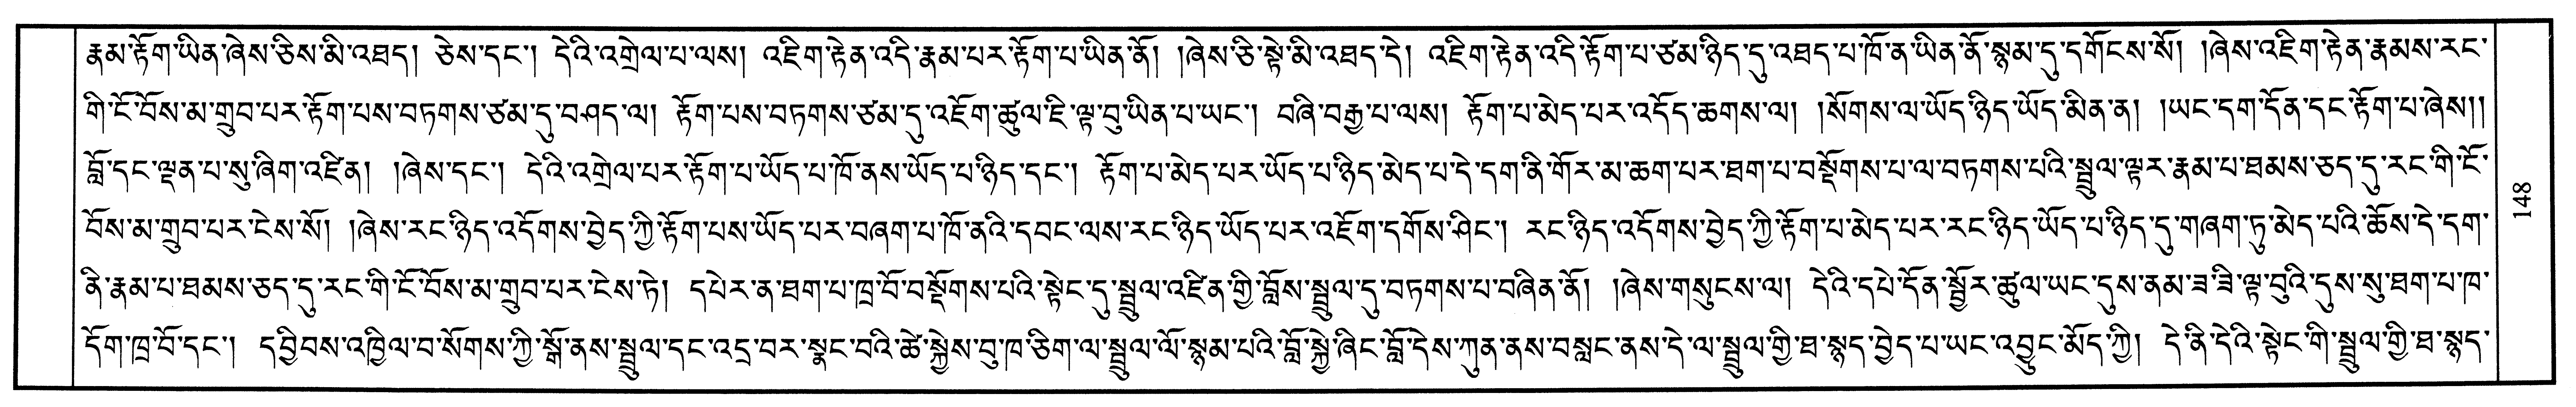རྣམ་རྟོག་ཡིན་ཞེས་ཅིས་མི་འཐད། ཅེས་དང་། དེའི་འགྲེལ་པ་ལས། འཇིག་རྟེན་འདི་རྣམ་པར་རྟོག་པ་ཡིན་ནོ། །ཞེས་ཅི་སྟེ་མི་འཐད་དེ། འཇིག་རྟེན་འདི་རྟོག་པ་ཙམ་ཉིད་དུ་འཐད་པ་ཁོ་ན་ཡིན་ནོ་སྙམ་དུ་དགོངས་སོ། །ཞེས་འཇིག་རྟེན་རྣམས་རང་
གི་ངོ་བོས་མ་གྲུབ་པར་རྟོག་པས་བཏགས་ཙམ་དུ་བཤད་ལ། རྟོག་པས་བཏགས་ཙམ་དུ་འཇོག་ཚུལ་ཇི་ལྟ་བུ་ཡིན་པ་ཡང་། བཞི་བརྒྱ་པ་ལས། རྟོག་པ་མེད་པར་འདོད་ཆགས་ལ། །སོགས་ལ་ཡོད་ཉིད་ཡོད་མིན་ན། །ཡང་དག་དོན་དང་རྟོག་པ་ཞེས།།
བློ་དང་དང་ལྡན་པས་སུ་ཞིག་འཛིན། །ཞེས་དང་། དེའི་འགྲེལ་པར་རྟོག་པ་ཡོད་པ་ཁོ་ནས་ཡོད་པ་ཉིད་དང་། རྟོག་པ་མེད་པར་ཡོད་པ་ཉིད་མེད་པ་དེ་དག་ནི་གོར་མ་ཆག་པར་ཐག་པ་བསྡོགས་པ་ལ་བཏགས་པའི་སྦྲུལ་ལྟར་རྣམ་པ་ཐམས་ཅད་དུ་རང་གི་ངོ་
བོས་མ་གྲུབ་པར་ངེས་སོ། །ཞེས་རང་ཉིད་འདོགས་བྱེད་ཀྱི་རྟོག་པས་ཡོད་པར་བཞག་པ་ཁོ་ནའི་དབང་ལས་རང་ཉིད་ཡོད་པར་འཇོག་དགོས་ཤིང་། རང་ཉིད་འདོགས་བྱེད་ཀྱི་རྟོག་པ་མེད་པར་རང་ཉིད་ཡོད་པ་ཉིད་དུ་གཞག་ཏུ་མེད་པའི་ཆོས་དེ་དག་
ནི་རྣམ་པ་ཐམས་ཅད་དུ་རང་གི་ངོ་བོས་མ་གྲུབ་པར་ངེས་ཏེ། དཔེར་ན་ཐག་པ་ཁྲ་བོ་བསྡོགས་པའི་སྟེང་དུ་སྦྲུལ་འཛིན་གྱི་བློས་སྦྲུལ་དུ་བཏགས་པ་བཞིན་ནོ། །ཞེས་གསུངས་ལ། དེའི་དཔེ་དོན་སྦྱོར་ཚུལ་ཡང་དུས་ནམ་ཟ་ཟི་ལྟ་བུའི་དུས་སུ་ཐག་པ་ཁ་
དོག་ཁྲ་བོ་དང་། དབྱིབས་འཁྱིལ་བ་སོགས་ཀྱི་སྒོ་ནས་སྦྲུལ་དང་འདྲ་བར་སྣང་བའི་ཚེ་སྐྱེས་བུ་ཁ་ཅིག་ལ་སྦྲུལ་ལོ་སྙམ་པའི་བློ་སྐྱེ་ཞིང་བློ་དེས་ཀུན་ནས་བསླང་ནས་དེ་ལ་སྦྲུལ་གྱི་ཐ་སྙད་བྱེད་པ་ཡང་འབྱུང་མོད་ཀྱི། དེ་ནི་དེའི་སྟེང་གི་སྦྲུལ་གྱི་ཐ་སྙད་